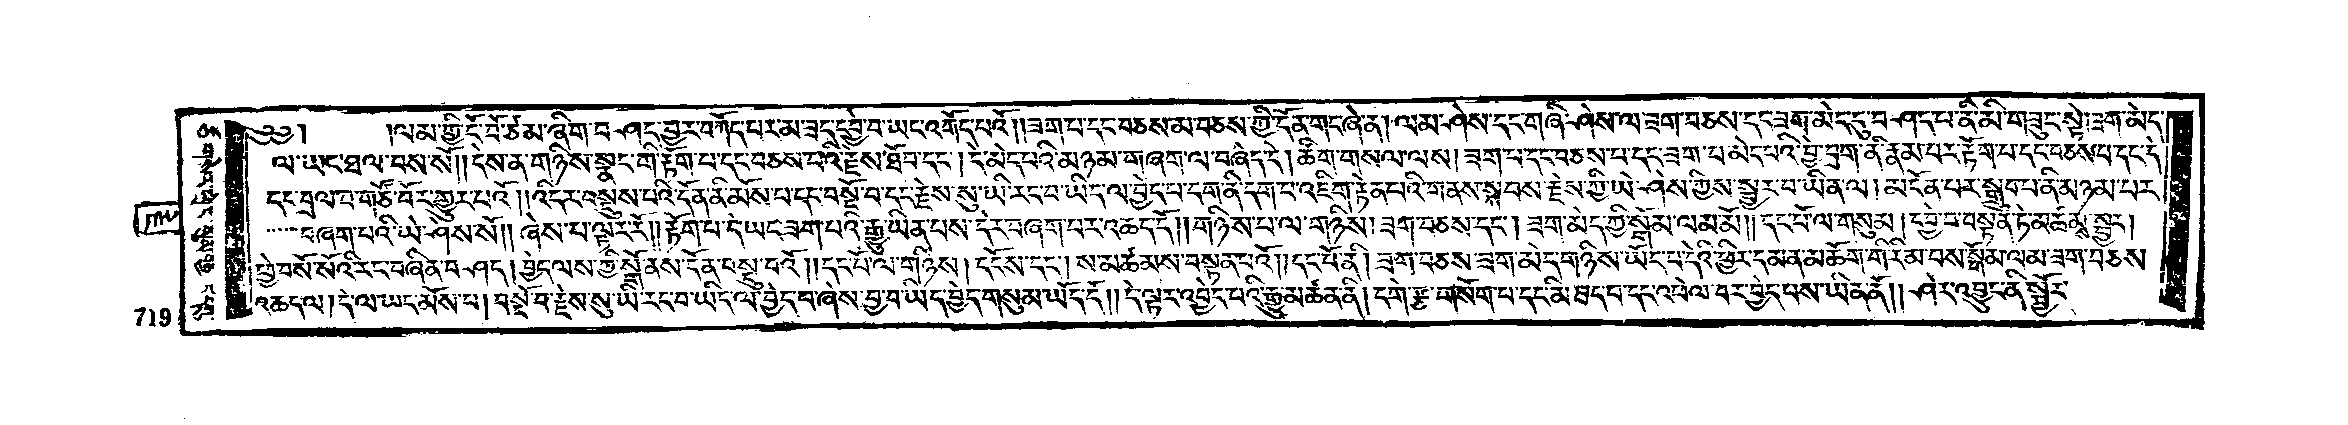༄༅། །ལམ་གྱི་ངོ་བོ་ཙམ་ཞིག་བཤད་བྱར་བཀོད་པར་མ་ཟད་དབྱེ་བ་ཡང་འགོད་པའོ། །ཟག་པ་དང་བཅས་མ་བཅས་ཀྱི་དོན་གང་ཞེ་ན། ལམ་ཤེས་དང་གཞི་ཤེས་ལ་ཟག་བཅས་དང་ཟག་མེད་དུ་བཤད་པ་ནི་མི་གཟུང་སྟེ། ཟག་མེད་
ལ་ཡང་ཐལ་བས་སོ། །དེས་ན་གཉིས་སྣང་གི་རྟོག་པ་དང་བཅས་པའི་རྗེས་ཐོབ་དང་། དེ་མེད་པའི་མཉམ་གཞག་ལ་བཞེད་དེ། ཚིག་གསལ་ལས། ཟག་པ་དང་བཅས་པ་དང་ཟག་པ་མེད་པའི་བྱེ་བྲག་ནི་རྣམ་པར་རྟོག་པ་དང་བཅས་པ་དང་དེ་
དང་བྲལ་བ་གཙོ་བོར་གྱུར་པའོ། །འདིར་བསྡུས་པའི་དོན་ནི་མོས་པ་དང་བསྔོ་བ་དང་རྗེས་སུ་ཡི་རང་བ་ཡིད་ལ་བྱེད་པ་དག་ནི་དག་པ་འཇིག་རྟེན་པའི་གནས་སྐབས་རྗེས་ཀྱི་ཡེ་ཤེས་ཀྱིས་སྦྱར་བ་ཡིན་ལ། མངོན་པར་སྒྲུབ་པ་ནི་མཉམ་པར་
བཞག་པའི་ཡེ་ཤེས་སོ། །ཞེས་པ་ལྟར་རོ། །རྟོག་པ་དེ་ཡང་ཟག་པའི་རྒྱུ་ཡིན་པས་དེར་བཞག་པར་འཆད་དོ། །གཉིས་པ་ལ་གཉིས། ཟག་བཅས་དང་། ཟག་མེད་ཀྱི་སྒོམ་ལམ་མོ། །དང་པོ་ལ་གསུམ། དབྱེ་བ་བསྟན་ཏེ་མཚམས་སྦྱར།
ཕྱེ་བ་སོ་སོའི་རང་བཞིན་བཤད། བྱེད་ལས་ཀྱི་སྒོ་ནས་དོན་བསྡུ་བའོ། །དང་པོ་ལ་གཉིས། དངོས་དང་། ས་མཚམས་བསྟན་པའོ། །དང་པོ་ནི། ཟག་བཅས་ཟག་མེད་གཉིས་ཡོད་པ་དེའི་ཕྱིར་དམན་མཆོག་གི་རིམ་པས་སྒོམ་ལམ་ཟག་བཅས་
འཆད་ལ། དེ་ལ་ཡང་མོས་པ། བསྔོ་བ་རྗེས་སུ་ཡི་རང་བ་ཡིད་ལ་བྱེད་པ་ཞེས་བྱ་བ་ཡིད་བྱེད་གསུམ་ཡོད་དོ། །དེ་ལྟར་འབྱེད་པའི་རྒྱུ་མཚན་ནི། དགེ་རྩ་གསོག་པ་དང་མི་ཟད་པ་དང་འཕེལ་བར་བྱེད་པས་ཡིན་ནོ། །ཤེར་འབྱུང་ནི་སྦྱོར་